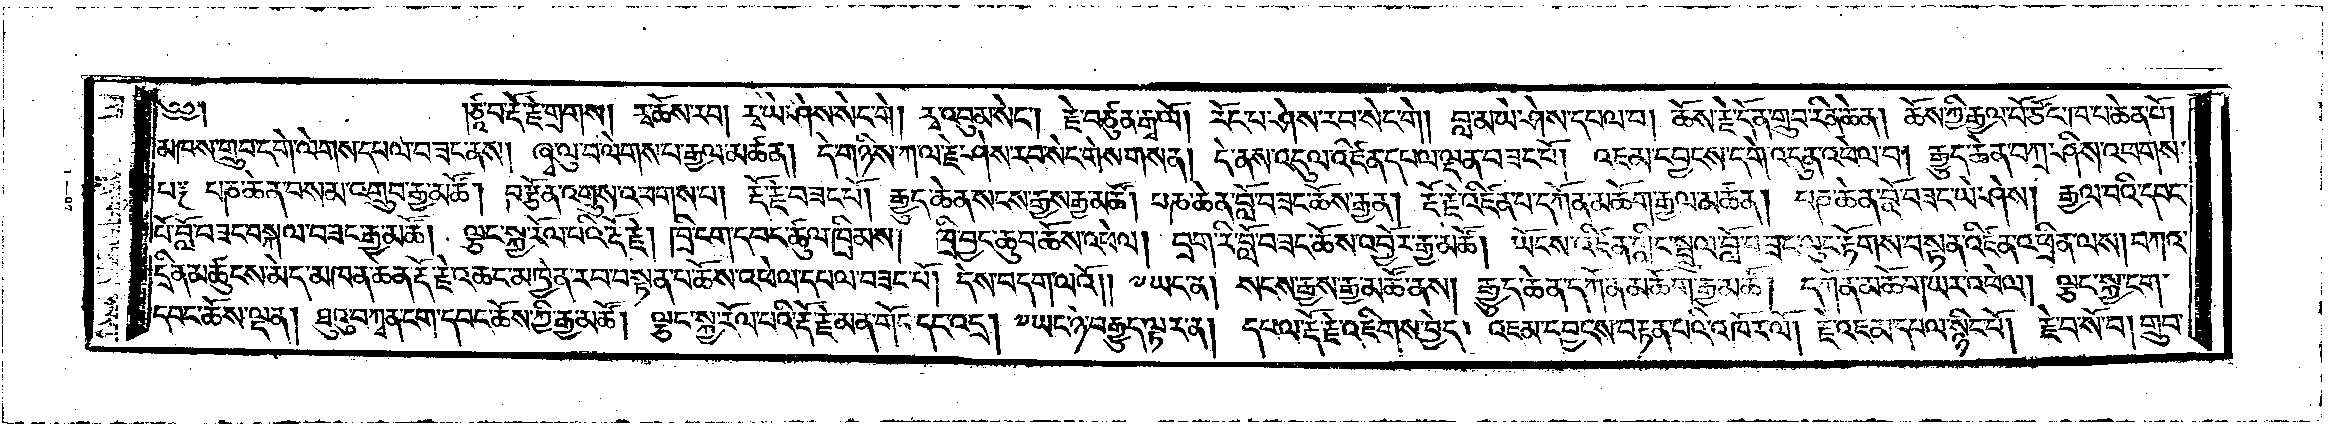༄༅། །ཙཱ་བ་རྡོ་རྗེ་གྲགས། རྭ་ཆོས་རབ། རྭ་ཡེ་ཤེས་སེང་གེ། རྭ་འབུམ་སེང་། རྗེ་བཙུན་རྒྭ་ལོ། རོང་པ་ཤེས་རབ་སེང་གེ། བླ་མ་ཡེ་ཤེས་དཔལ་བ། ཆོས་རྗེ་དོན་གྲུབ་རིན་ཆེན། ཆོས་ཀྱི་རྒྱལ་པོ་ཙོང་ཁ་པ་ཆེན་པོ།
མཁས་གྲུབ་དགེ་ལེགས་དཔལ་བཟང་ནས། ཞྭ་ལུ་བ་ལེགས་པ་རྒྱལ་མཚན། དེ་གཉིས་ཀ་ལ་རྗེ་ཤེས་རབ་སེང་གེས་གསན། དེ་ནས་འདུལ་འཛིན་དཔལ་ལྡན་བཟང་པོ། འཇམ་དབྱངས་དགེ་འདུན་འཕེལ་བ། རྒྱུད་ཆེན་བཀྲ་ཤིས་འཕགས་
པ༑ པཎ་ཆེན་བསམ་འགྲུབ་རྒྱ་མཚོ། བརྩོན་འགྲུས་འཕགས་པ། རྡོ་རྗེ་བཟང་པོ། རྒྱུད་ཆེན་སངས་རྒྱས་རྒྱ་མཚོ། པཎ་ཆེན་བློ་བཟང་ཆོས་རྒྱན། རྡོ་རྗེ་འཛིན་པ་དཀོན་མཆོག་རྒྱལ་མཚན། པཎ་ཆེན་བློ་བཟང་ཡེ་ཤེས། རྒྱལ་བའི་དབང་
པོ་བློ་བཟང་བསྐལ་བཟང་རྒྱ་མཚོ། ལྕང་སྐྱ་རོལ་པའི་རྡོ་རྗེ། ཁྲི་ངག་དབང་ཚུལ་ཁྲིམས། ཁྲི་བྱང་ཆུབ་ཆོས་འཕེལ། བྲག་རི་བློ་བཟང་ཆོས་འབྱོར་རྒྱ་མཚོ། ཡོངས་འཛིན་གླིང་སྤྲུལ་བློ་བཟང་ལུང་རྟོགས་བསྟན་འཛིན་འཕྲིན་ལས། བཀའ་
དྲིན་མཚུངས་མེད་མཁན་ཆེན་རྡོ་རྗེ་འཆང་མཁྱེན་རབ་བསྟན་པ་ཆོས་འཕེལ་དཔལ་བཟང་པོ། དེས་བདག་ལའོ།། ༧ཡང་ན། སངས་རྒྱས་རྒྱ་མཚོ་ནས། རྒྱུད་ཆེན་དཀོན་མཆོག་རྒྱ་མཚོ། དཀོན་མཆོག་ཡར་འཕེལ། ལྕང་སྐྱ་ངག་
དབང་ཆོས་ལྡན། ཐུའུ་བཀྭན་ངག་དབང་ཆོས་ཀྱི་རྒྱ་མཚོ། ལྕང་སྐྱ་རོལ་པའི་རྡོ་རྗེ་མན་གོང་དང་འདྲ། ༧ཡང་ཉེ་བརྒྱུད་ལྟར་ན། དཔལ་རྡོ་རྗེ་འཇིགས་བྱེད། འཇམ་དབྱངས་བརྟན་པའི་འཁོར་ལོ། རྗེ་འཇམ་དཔལ་སྙིང་པོ། རྗེ་བ་སོ་བ། གྲུབ་